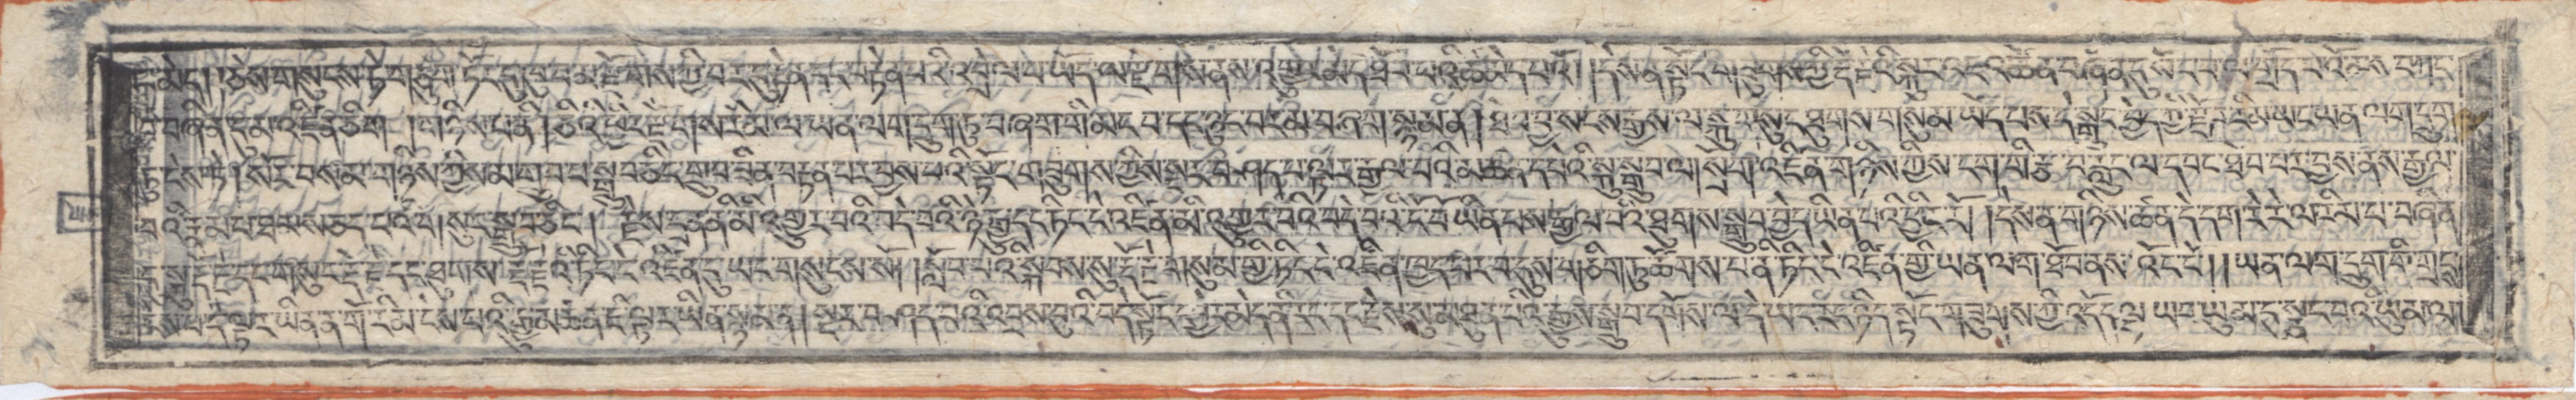པ་མེད། །ཅེས་གསུངས་ཏེ་གཙུག་ཏོར་དུ་ཁུ་བ་མ་རྫོགས་ཀྱི་བར་དུ་རྟེན་དང་བརྟེན་པའི་འབྲེལ་པ་ཡོད་ལ་རྫོགས་ནས་འགྱུར་མེད་ཐོབ་པའི་ཚེ་མེད་པའོ། །དེས་ན་སྟོང་གཟུགས་ཀྱི་རྡོ་རྗེའི་སྐུར་འཇའ་ཚོན་བཞིན་དུ་སོང་བ་ལ་གྲོད་པ་འོ་མས་བཀང་
བ་བཞིན་དུ་མ་འཛིན་ཅིག །གཉིས་པ་ནི། ཅིའི་ཕྱིར་རྫོགས་རིམ་ལ་ཡན་ལག་དྲུག་ཏུ་བཞག་གི་མང་བ་དང་ཉུང་བར་མ་བཞག་སྙམ་ན། ཐོབ་བྱ་སངས་རྒྱས་ལ་སྐུ་གསུང་ཐུགས་གསུམ་ཡོད་པས་དེ་སྒྲུབ་བྱེད་ཀྱི་རྫོགས་རིམ་ཡང་ཡན་ལག་དྲུག་
ཏུ་ངེས་ཏེ། སོར་བསམ་གཉིས་ཀྱིས་མ་གྲུབ་པ་སྒྲུབ་ཅིང་གྲུབ་ཟིན་བརྟན་པར་བྱས་པའི་སྟོང་གཟུགས་ཀྱིས་སྔར་བཤད་པ་ལྟར་རྒྱལ་བའི་མཚན་དཔེའི་སྐུ་སྒྲུབ་ལ། སྲོག་འཛིན་གཉིས་ཀྱིས་ངག་གི་རྩ་བ་རླུང་ལ་དབང་ཐོབ་པར་བྱས་ནས་རྒྱལ་
བའི་རྣམ་པ་ཐམས་ཅད་པའི་གསུང་སྒྲུབ་ཅིང་། རྗེས་དྲན་ནི་མི་འགྱུར་བའི་བདེ་བའི་ཉེ་རྒྱུ་དང་ཏིང་ངེ་འཛིན་མི་འགྱུར་བའི་བདེ་བའི་ངོ་བོ་ཡིན་པས་རྒྱལ་བའི་ཐུགས་སྒྲུབ་བྱེད་ཡིན་པའི་ཕྱིར་རོ། །དེས་ན་གཉིས་ཚན་དེ་དག་རེ་རེ་ལ་རིམ་པ་བཞིན་
དུ་སྐུ་རྡོ་རྗེ་དང་གསུང་རྡོ་རྗེ་དང་ཐུགས་རྡོ་རྗེའི་ཏིང་ངེ་འཛིན་དུ་ཡང་གསུངས་སོ། །སློབ་པའི་སྐབས་སུ་རྡོ་རྗེ་གསུམ་གྱི་ཏིང་ངེ་འཛིན་ཁྱད་པར་བ་དུས་གཅིག་ཏུ་ཚོགས་པ་ནི་ཏིང་ངེ་འཛིན་གྱི་ཡན་ལག་ཐོབ་ནས་འོང་ངོ། །ཡན་ལག་དྲུག་གི་གྲངས་
ངེས་པ་དེ་ལྟར་ཡིན་ན་གོ་རིམ་ངེས་པའི་རྒྱུ་མཚན་ཇི་ལྟར་ཡིན་སྙམ་ན། སྔར་བཤད་པའི་འབྲས་བུའི་བདེ་སྟོང་དབྱེར་མེད་ནི་རང་དང་རྗེས་སུ་མཐུན་པའི་རྒྱུས་སྒྲུབ་དགོས་ལ་དེ་ཡང་རང་ཉིད་སྟོང་གཟུགས་ཀྱི་འདོད་ལྷ་ཡབ་ཡུམ་དུ་སྣང་བའི་ཡུམ་ལ་